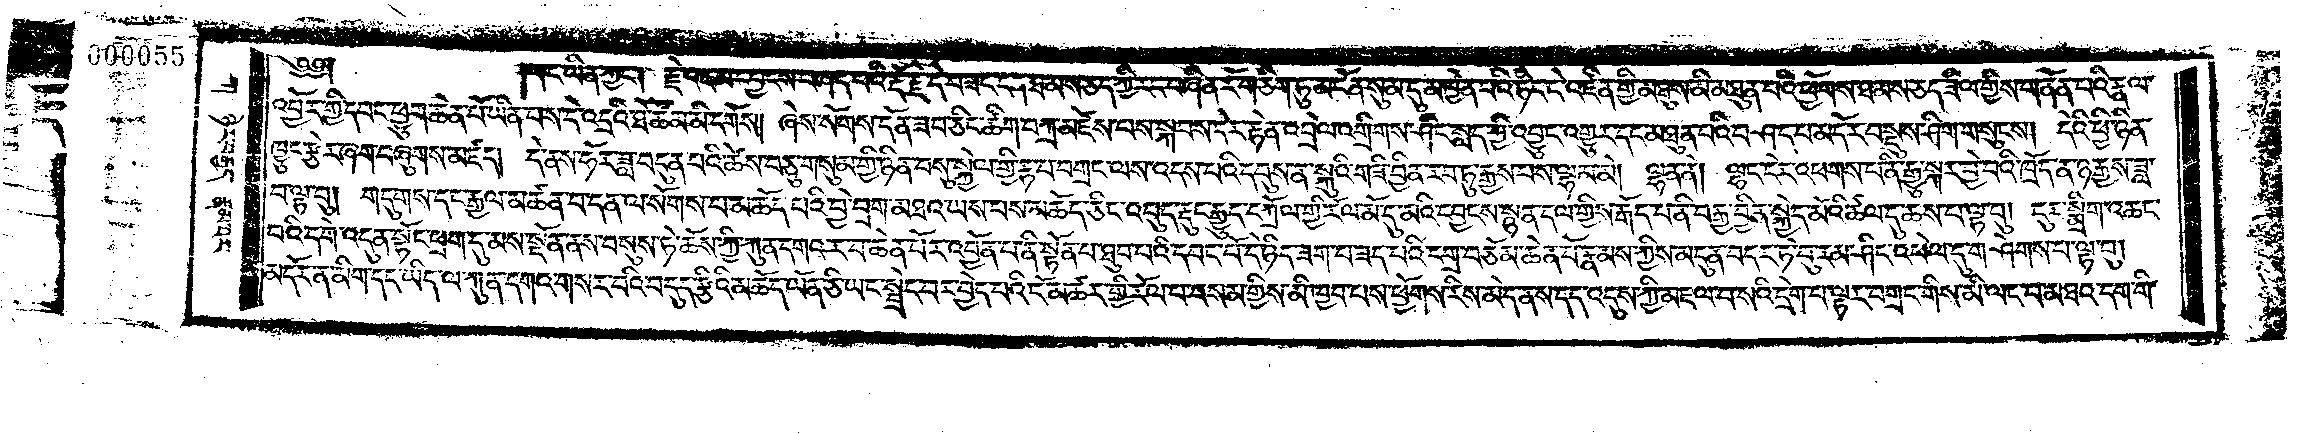༄༅། །གང་ཡིན་ཀྱང་། རྗེ་འཇམ་དབྱངས་བཞད་པའི་རྡོ་རྗེ་དེ་བཟང་ངན་ཐམས་ཅད་ཀྱི་རང་བཞིན་རོ་གཅིག་ཏུ་མངོན་སུམ་དུ་མཁྱེན་པའི་ཏིང་ངེ་འཛིན་གྱི་མཐུས་མི་མཐུན་པའི་ཕྱོགས་ཐམས་ཅད་ཟིལ་གྱིས་གནོན་པའི་རྣལ་
འབྱོར་གྱི་དབང་ཕྱུག་ཆེན་པོ་ཡིན་པས་དེ་འདྲའི་ཐེ་ཚོམ་མི་དགོས། ཞེས་སོགས་དོན་ཟབ་ཅིང་ཚིག་བཀྲ་མཛེས་པས་སྐབས་དེར་རྟེན་འབྲེལ་འགྲིགས་ཤིང་སླད་ཀྱི་འབྱུང་འགྱུར་དང་མཐུན་པའི་བཤད་པ་མདོར་བསྡུས་ཤིག་གསུངས། དེའི་ཕྱི་ཉིན་
ཁྱུང་རྩེར་ཞག་བཞུགས་མཛད། དེ་ནས་ཧོར་ཟླ་བདུན་པའི་ཚེས་བཅུ་གསུམ་གྱི་ཉིན་བསུ་སྐྱེལ་གྱི་རྟ་པ་བགྲང་ལས་འདས་པའི་དབུས་ན་སྐུའི་གཟི་བྱིན་རབ་ཏུ་རྒྱས་པས་ལྷམ་མེ། ལྷན་ནེ། ལྷང་ངེར་འཕགས་པ་ནི་རྒྱུ་སྐར་བྱེ་བའི་ཁྲོད་ན་ཉ་རྒྱས་ཟླ་
བ་ལྟ་བུ། གདུགས་དང་རྒྱལ་མཚན་བ་དན་ལ་སོགས་པ་མཆོད་པའི་བྱེ་བྲག་མཐའ་ཡས་པས་མཆོད་ཅིང་འབུད་རྡུང་རྒྱུད་དཀྲོལ་གྱི་རོལ་མོ་དུ་མའི་དབྱངས་སྙན་དལ་གྱིས་རྒོད་པ་ནི་བརྒྱ་བྱིན་སྐྱེད་མོའི་ཚལ་དུ་ཆས་པ་ལྟ་བུ། དུར་སྨྲིག་འཆང་
པའི་དགེ་འདུན་སྟོང་ཕྲག་དུ་མས་སྔོན་ནས་བསུས་ཏེ་ཆོས་ཀྱི་ཀུན་དགའ་ར་བ་ཆེན་པོར་འབྱོན་པ་ནི་སྟོན་པ་ཐུབ་པའི་དབང་པོ་དེ་ཉིད་ཟག་པ་ཟད་པའི་དགྲ་བཅོམ་ཆེན་པོ་རྣམས་ཀྱིས་མདུན་བདར་ཏེ་བུ་རམ་ཤིང་འཕེལ་དུ་གཤེགས་པ་ལྟ་བུ།
མདོར་ན་མིག་དང་ཡིད་ལ་ཀུན་དགའ་གསར་བའི་བདུད་རྩིའི་མཆོད་ཡོན་ཅི་ཡང་སྤྲེང་བར་བྱེད་པའི་ངོ་མཚར་གྱི་རོལ་པ་བསམ་གྱིས་མི་ཁྱབ་པས་ཕྱོགས་རིས་མེད་ནས་དད་འདུས་ཀྱི་མཇལ་བ་སའི་དྲེག་པ་ལྟར་བགྲང་གིས་མི་ལང་བ་མཐའ་དག་གི་